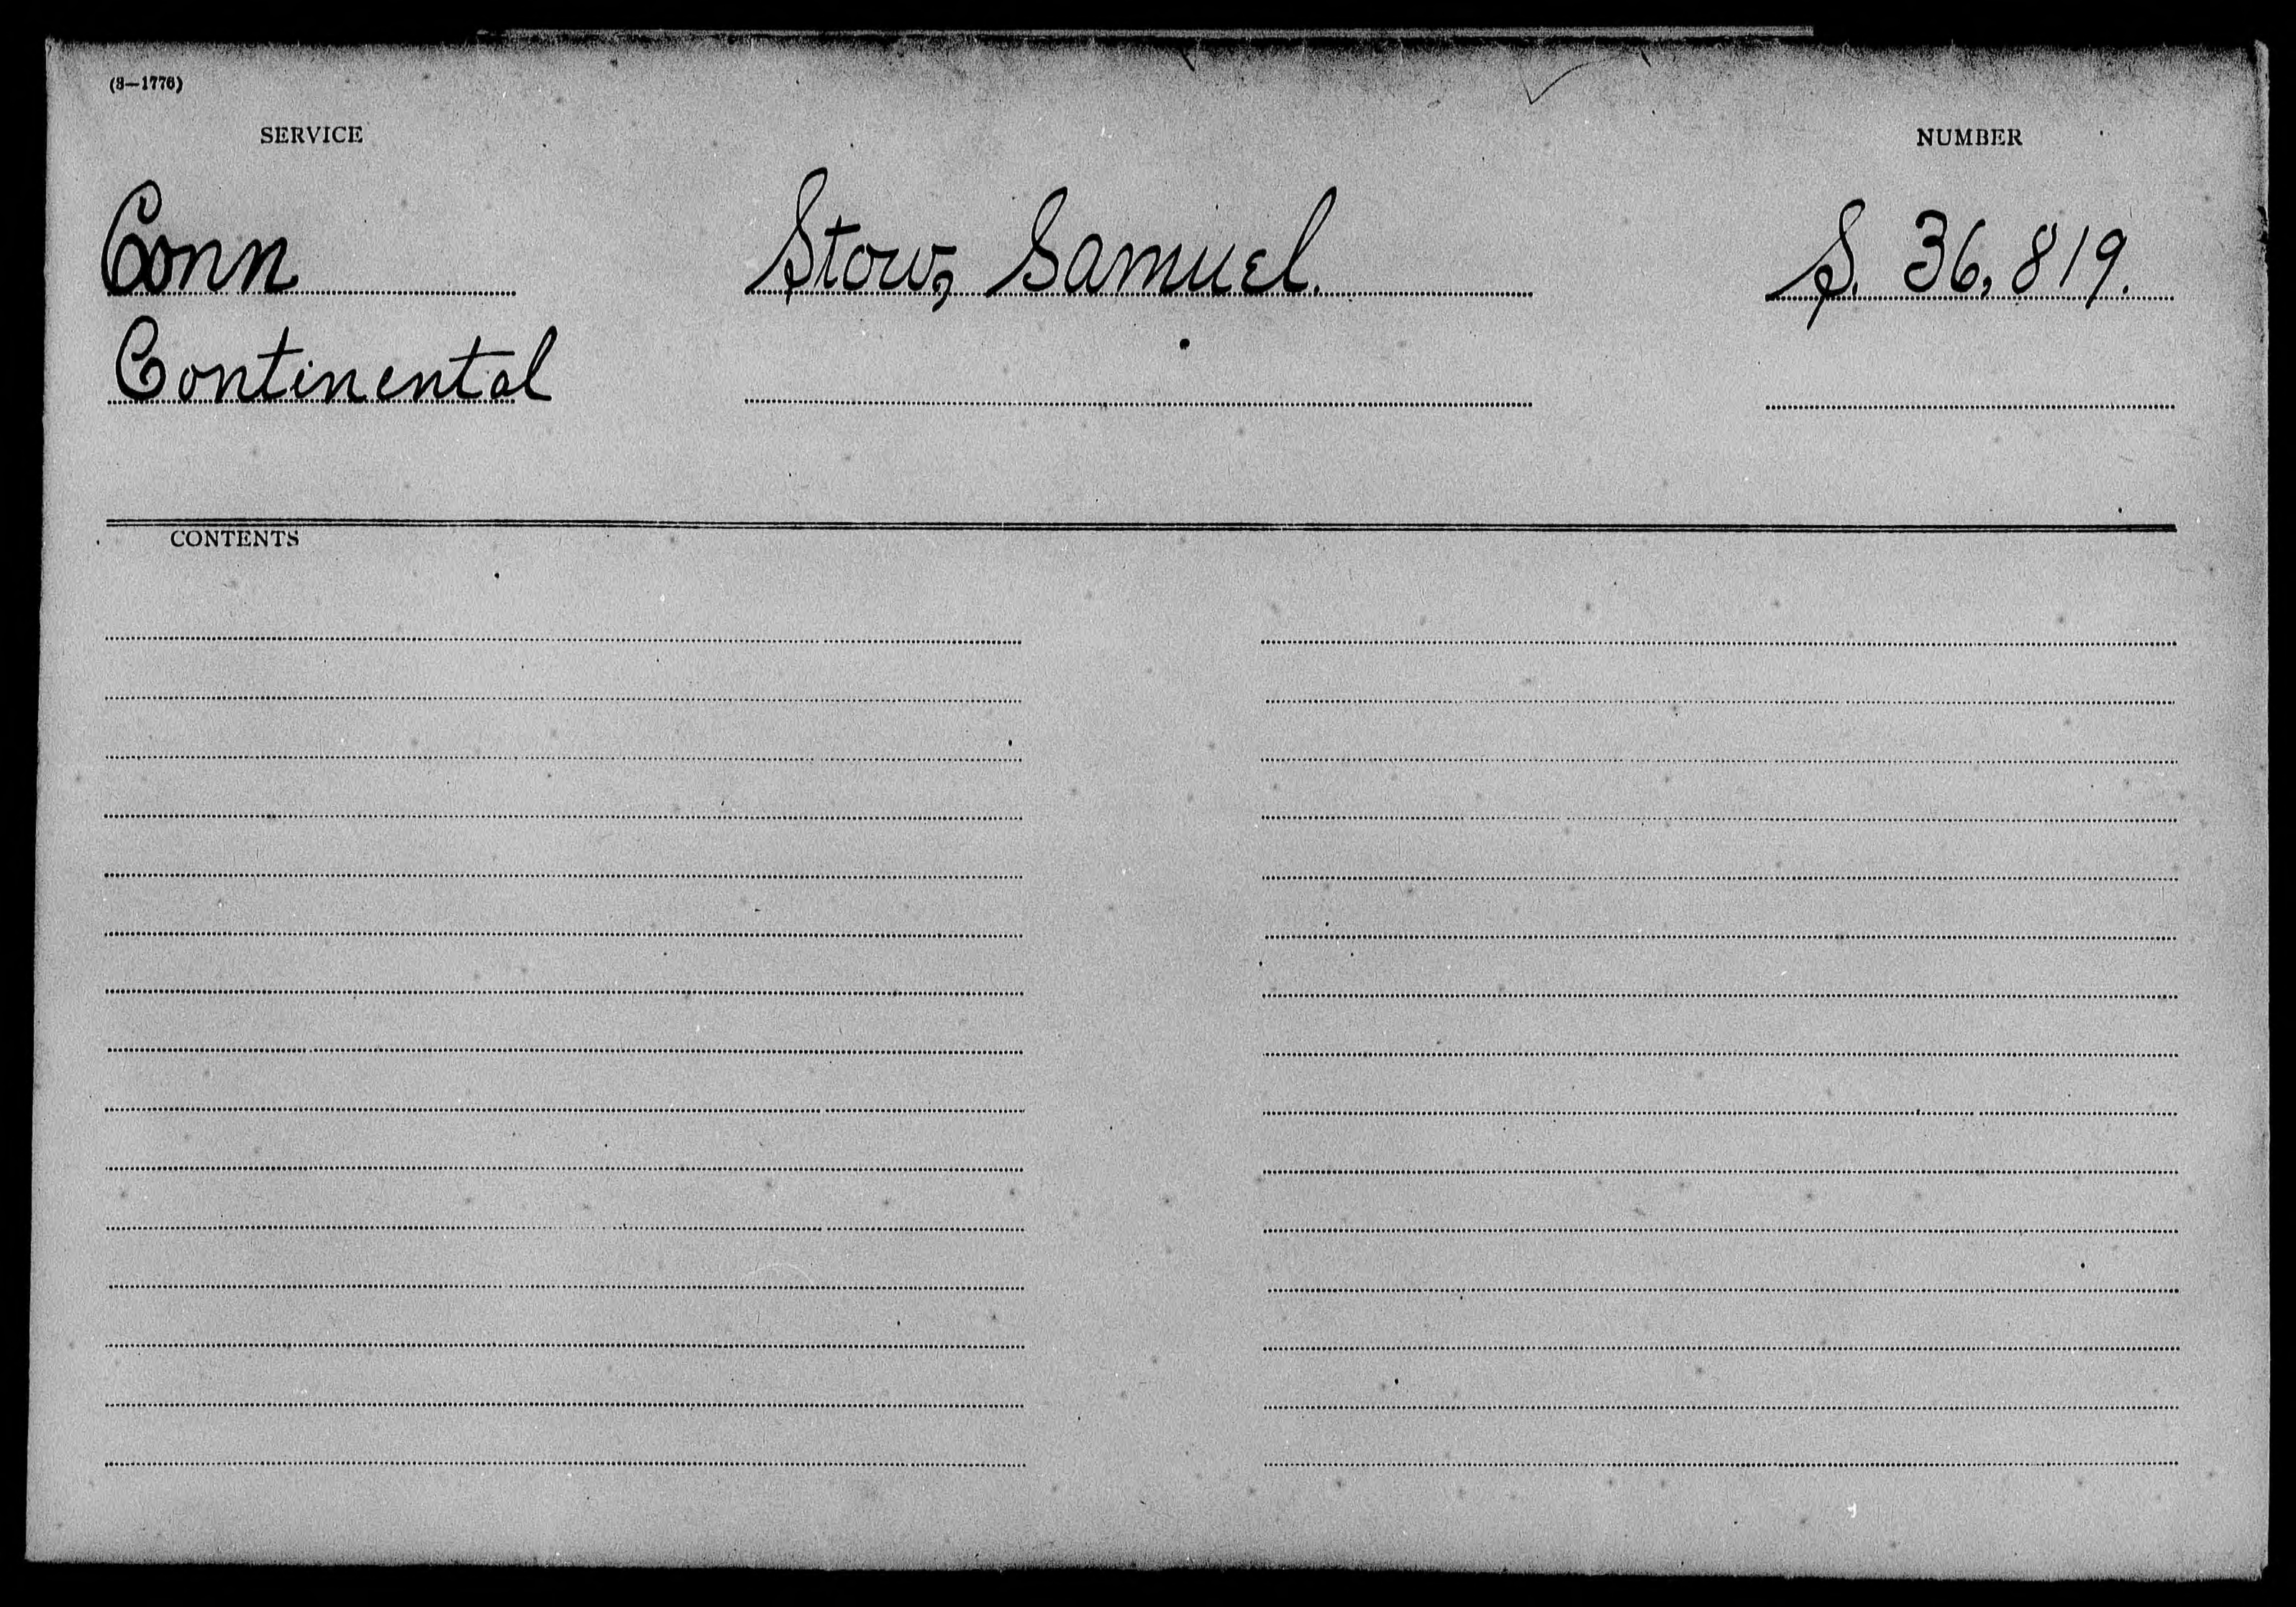(8-1776)
SERVICE
Conn. Continental

Stow, Samuel

NUMBER
S.36,819

CONTENTS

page: 1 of 42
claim: survivor's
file: S. 36,819, for Samuel Stow, Connecticut